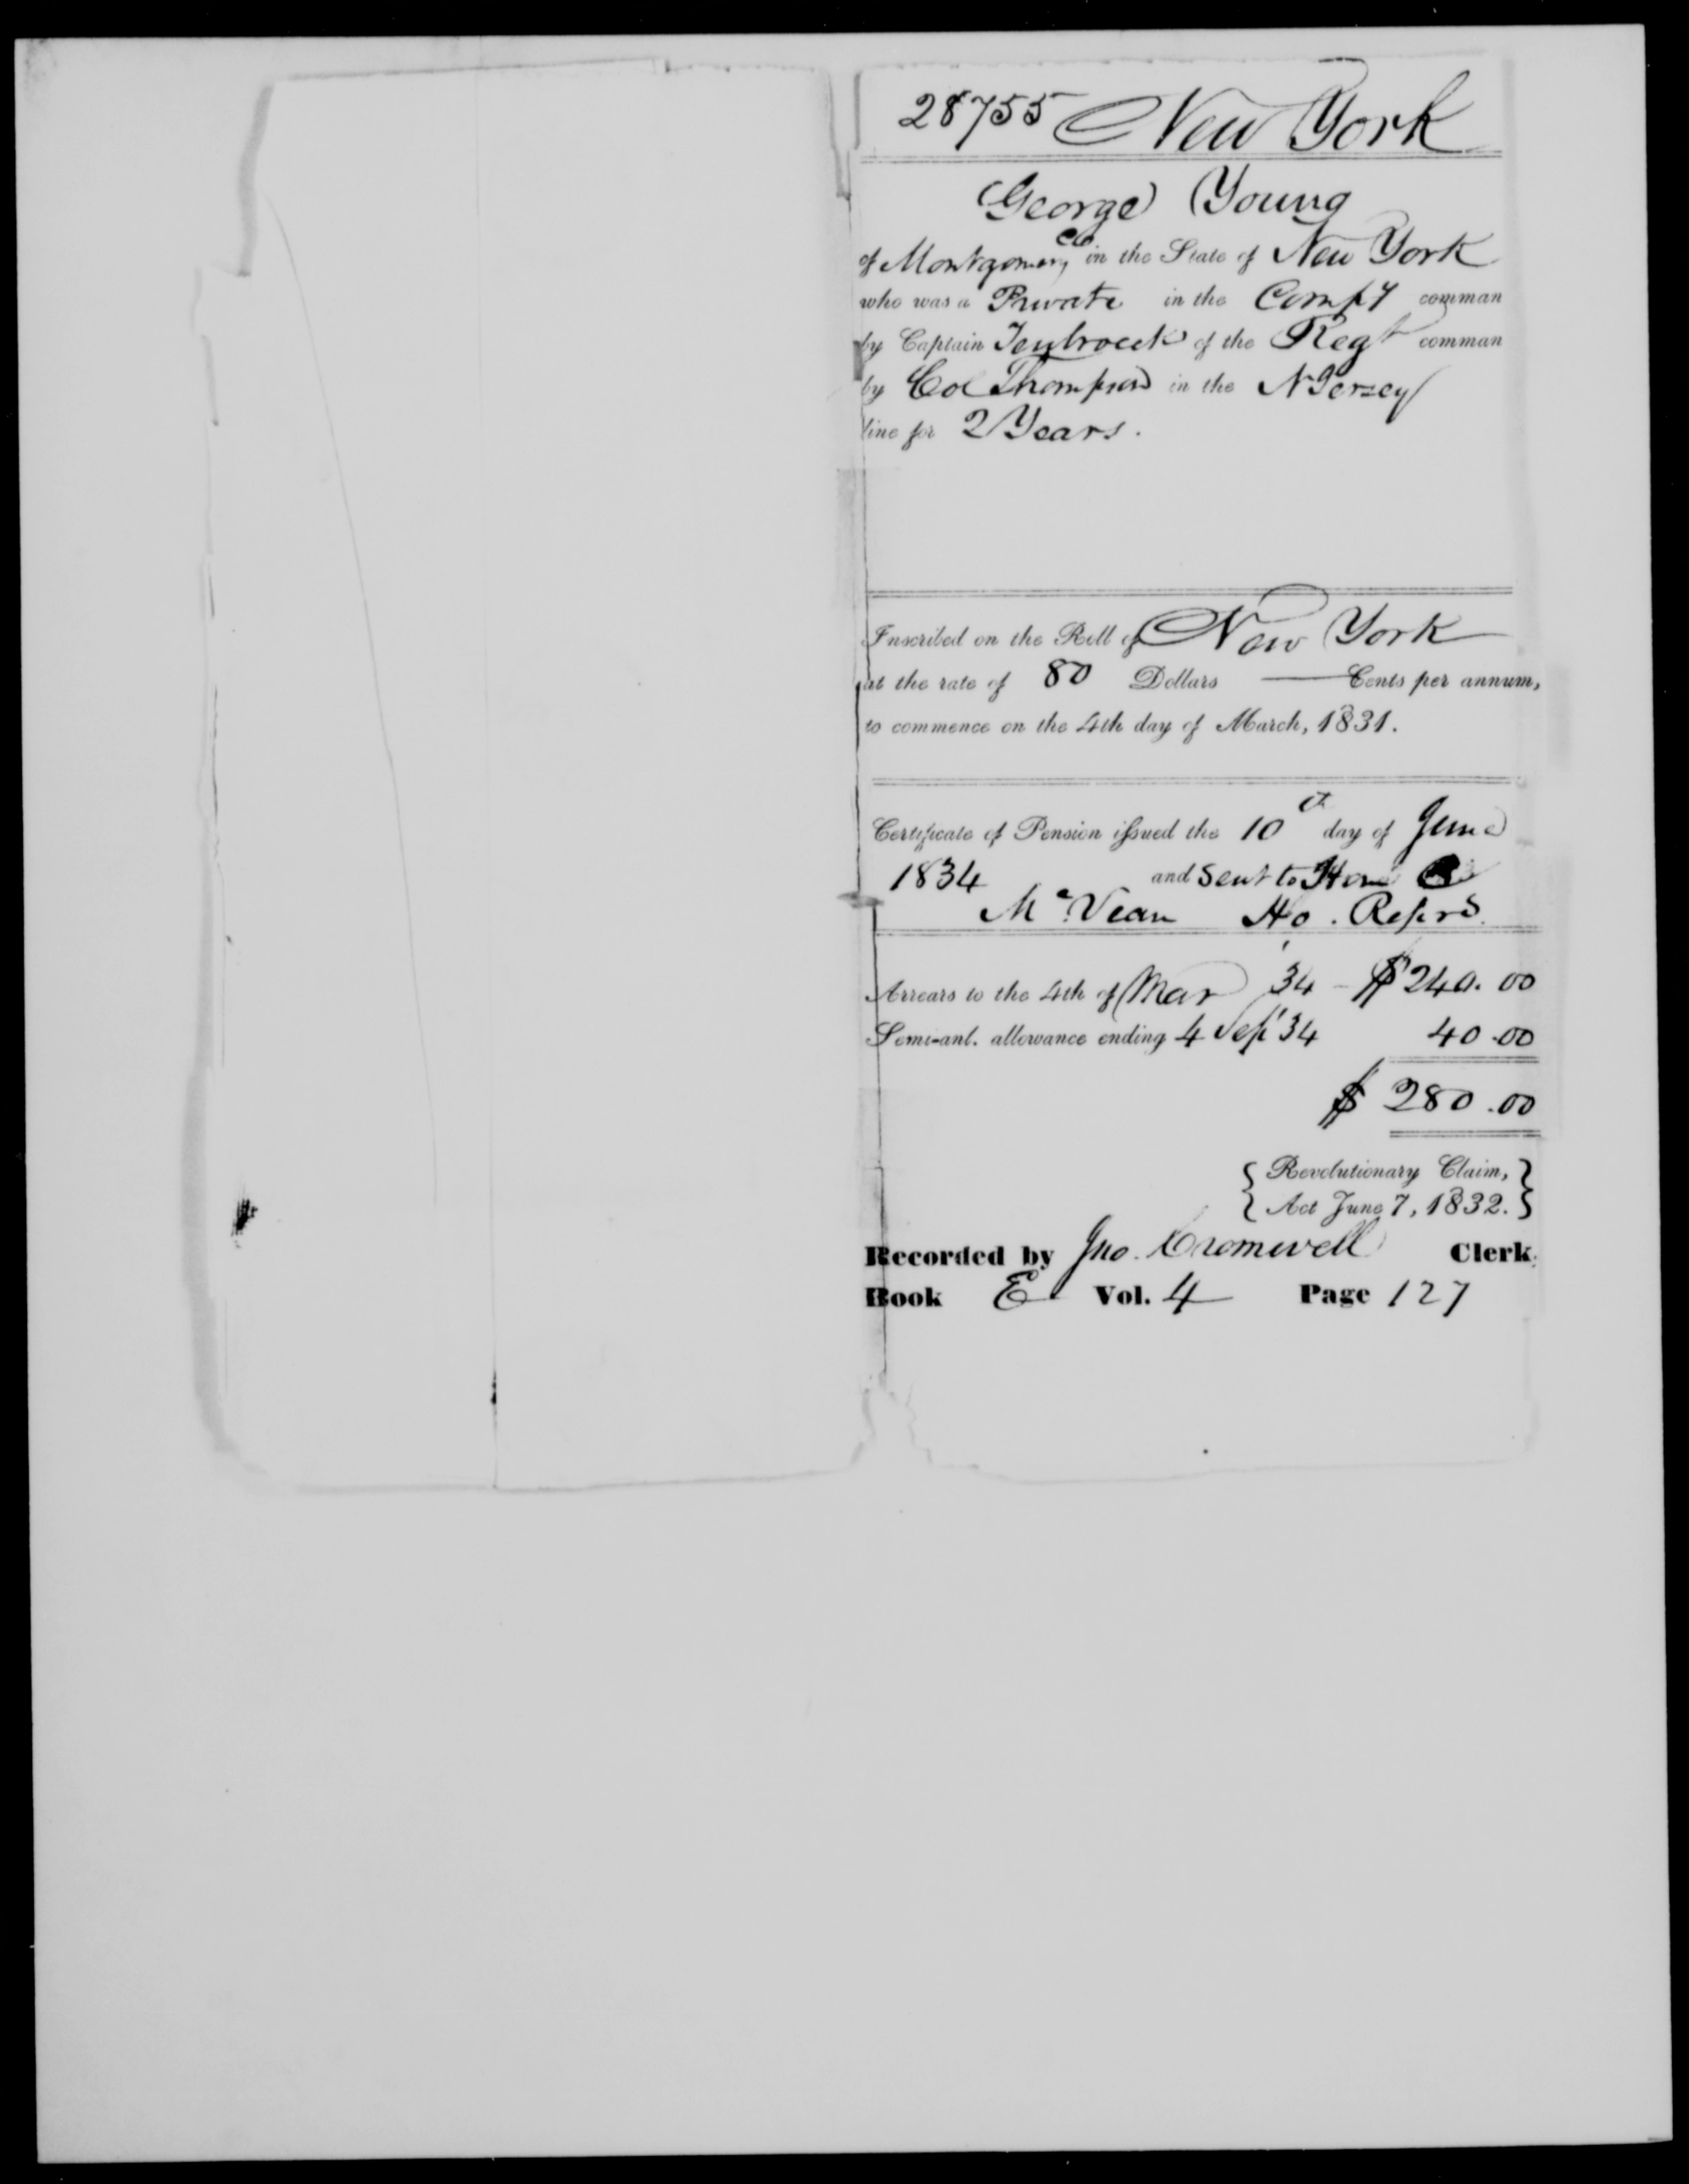28755 New York
George Young
of Montgomery in the State of New York
who was a Private in the Compy comman
by Captain Terbrock of the Regt comman
by Col Thompson in the N Jersey
line for 2 years
Inscribed on the Roll of New York
at the rate of 80 Dollars Cents per annum,
to commence on the 4th day of March, 1831.
Certificate of Pension issued the 10th day of June
1834
and sent to Hon
McVean Ho. Repr.
Arrears to the 4th of Mar 34 - $240.00
┃ Semi-anl. allowance ending 4 Sep 34
40. 00
$280.00
Revolutionary Claim,
Act June 7, 1832.
forded by Jno Cromwell Clerk
Book E Vol. 4 Page 127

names: Thompson, C Mc Vean, George Young, Jno Cromwell, Tenbroeck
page: 10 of 67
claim: widow's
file: W. 7379, George Young, New Jersey